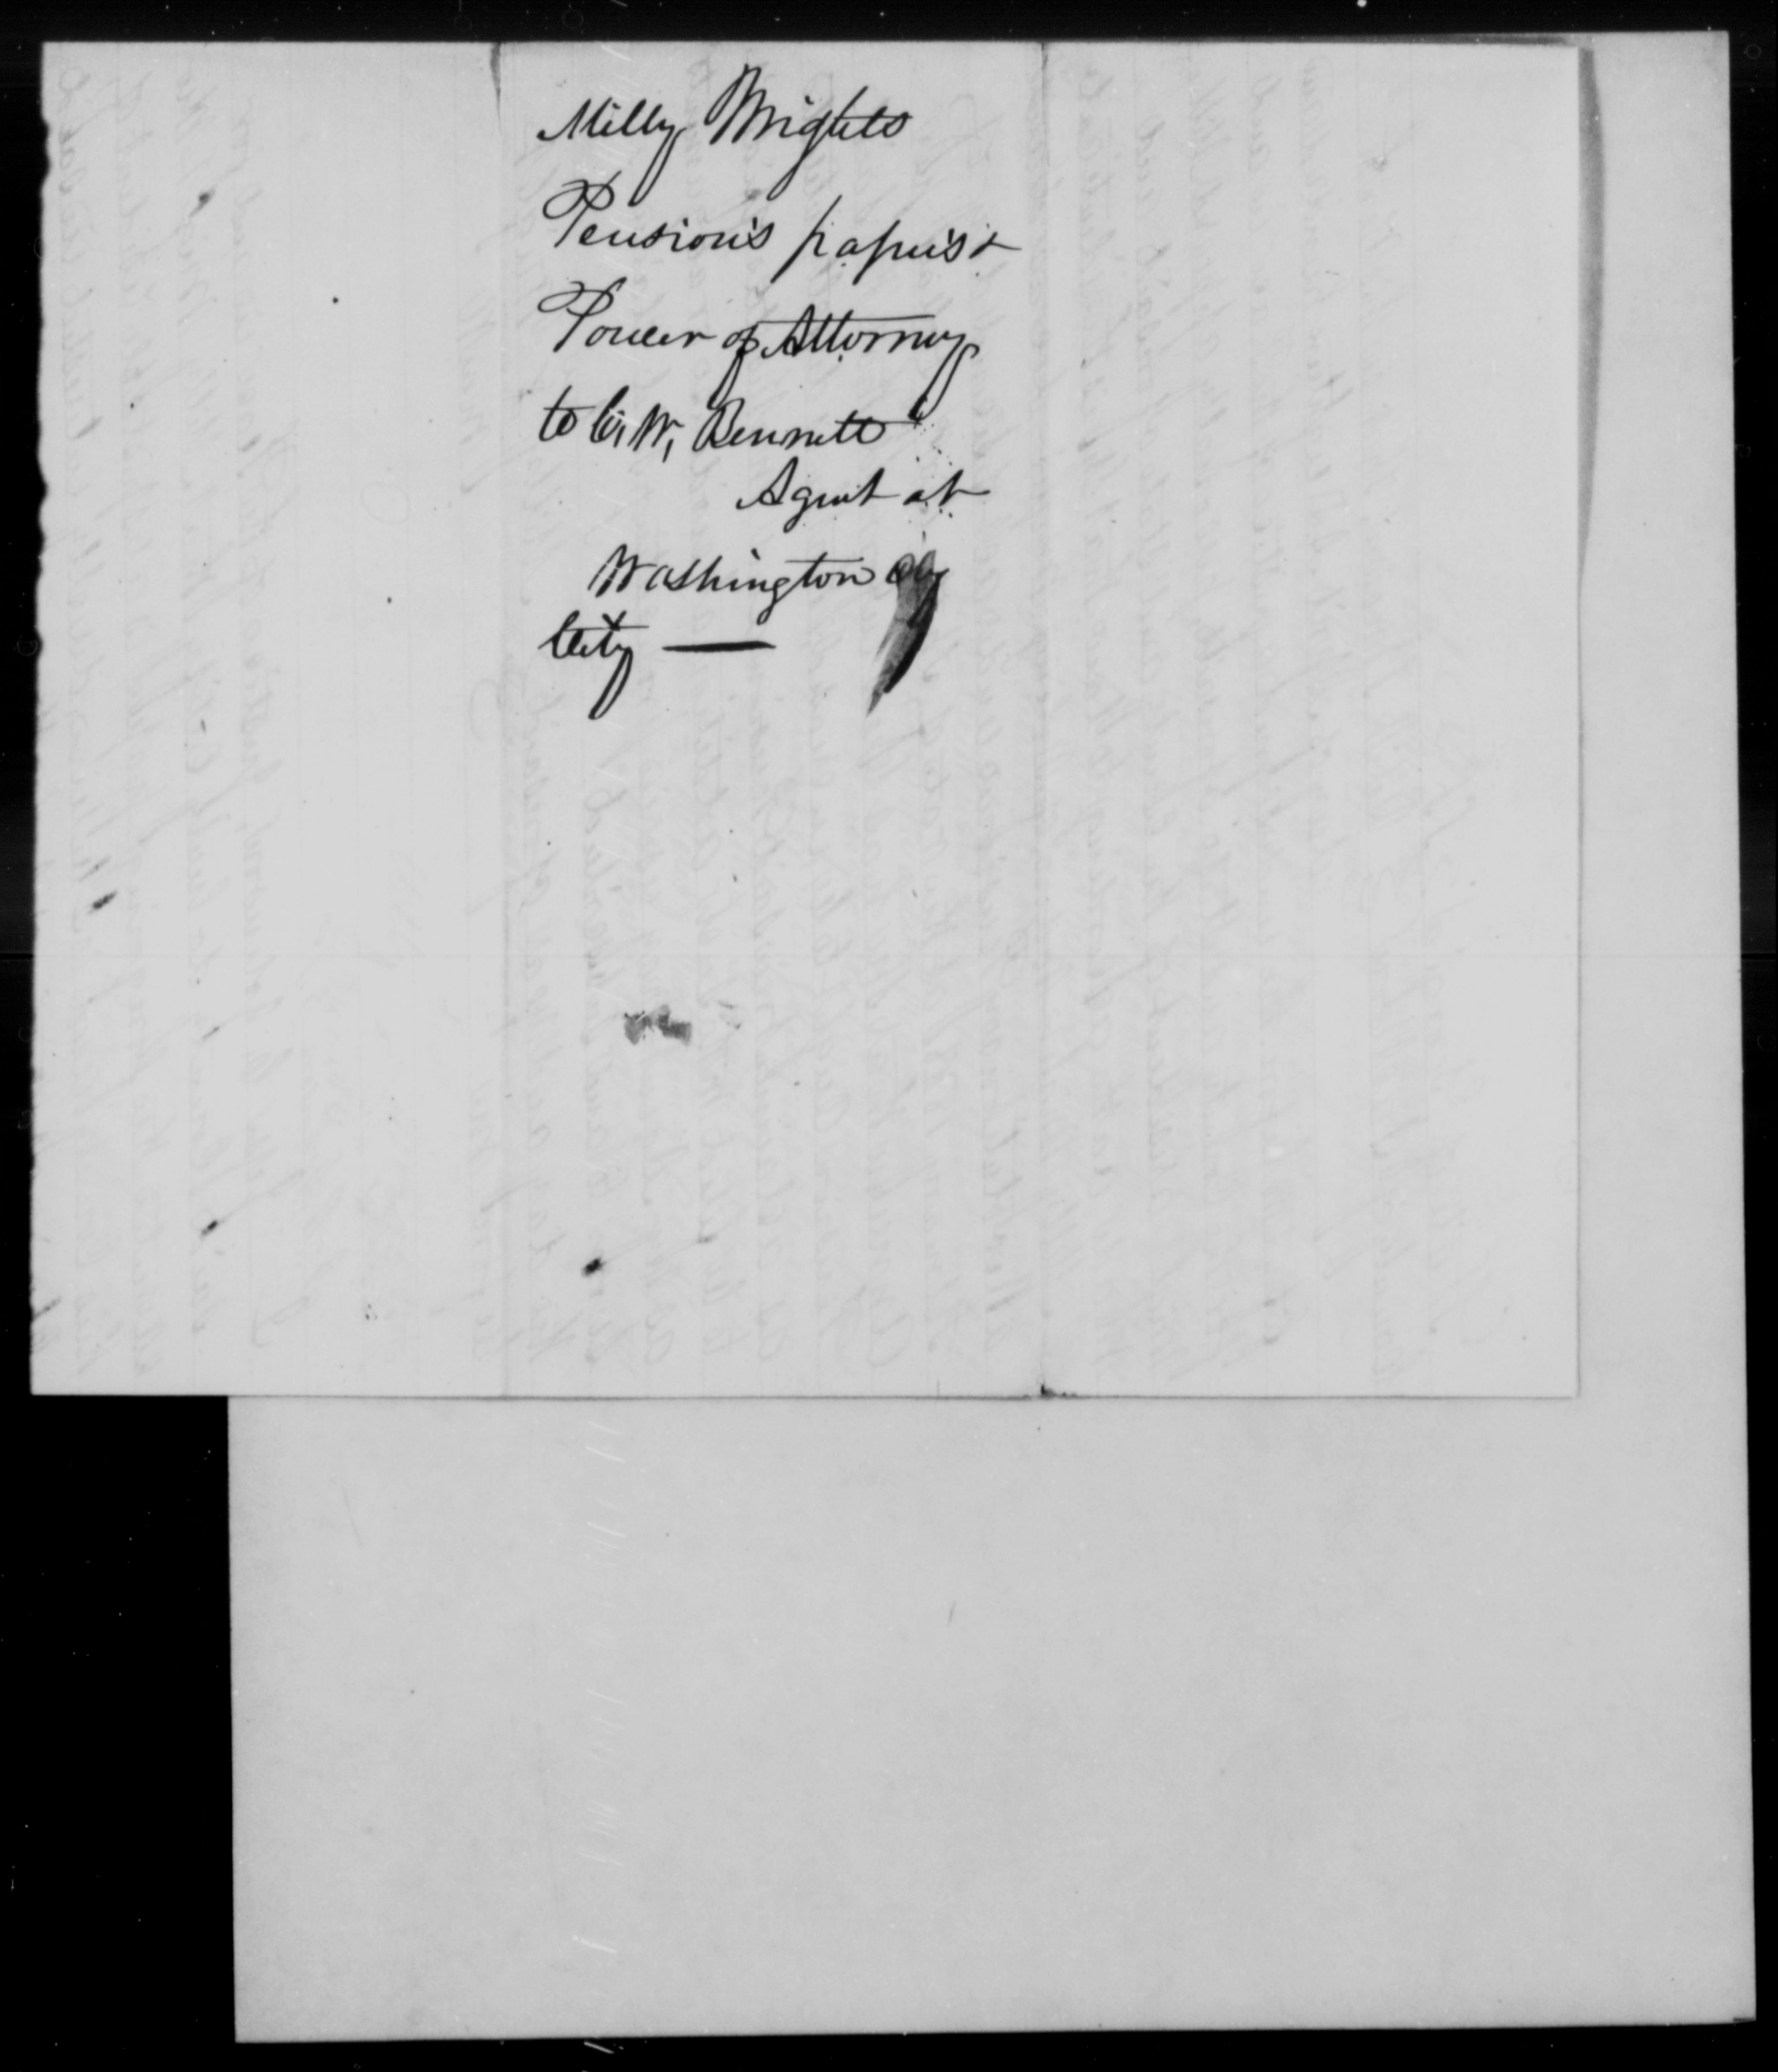Milly Wright
Pensions papers &
Power of Attorney 
to C. W . Bennett
Agent at Washington [illegible]
City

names: C W Bennett, Milly Wrights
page: 65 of 81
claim: widow's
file: W. 5183, Bolling Wright, Va.